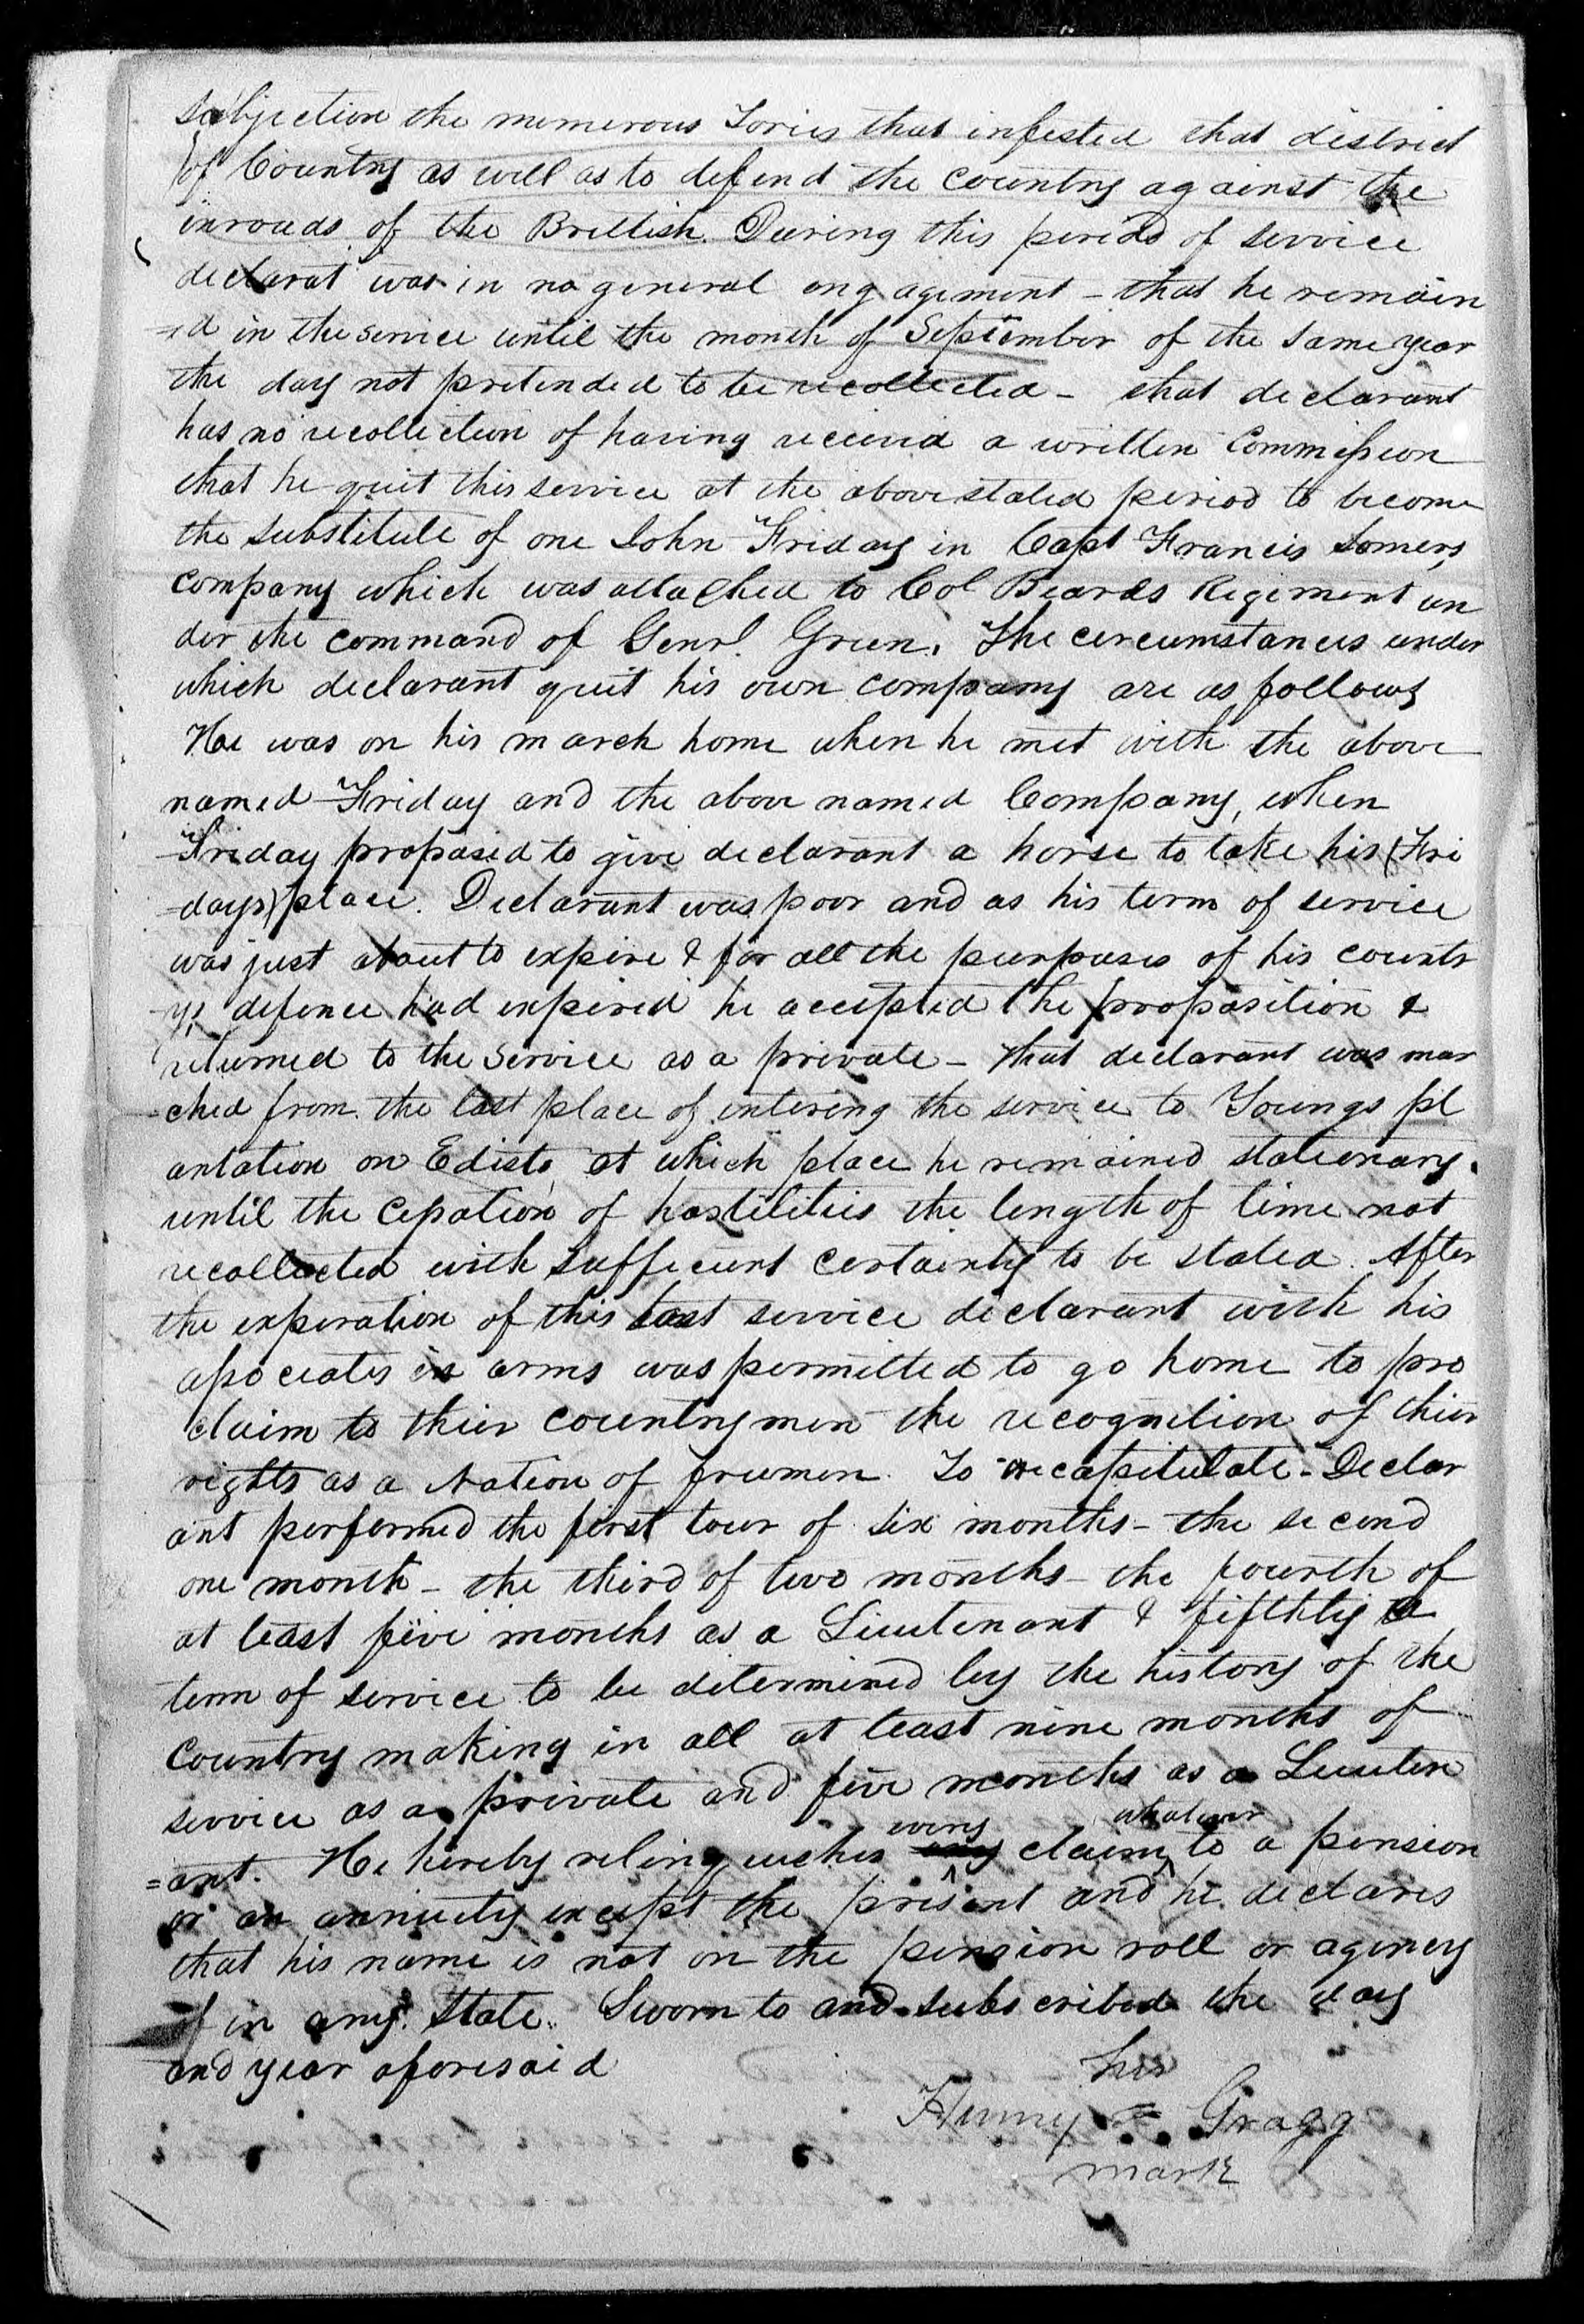subjection the numerous Tories that infested that district of country  as well as to defend the country against the inroads  of the British, during this period of service declarant was in  no general engagements that he remained in the summer until the month of September  of the same year the day not pretended to be recollected - that declarant  has no recollection of having  received a written commission  that he quit the service  at the above stated period to become the substitute  of one John Friday in Capt. Francis Somer's company which was attached  to  Col. Beard's  Regiment under the command of Genl. Green. The circumstances under which declarant quit his own company are as follows. He was on his way home when he met  with the above named Friday  and the above named company  , when  Friday proposed to give declarant  a horse to take his  ( Friday's ) place . Declarant was poor and  as his term of service was just about to expire & for all the purposes  of his  counts of defense had expired he accepted the proposition  &  retuned to the service as a private - that declarant  was marched from the last place of entering  the service to Young's plantation on Edisto at which place he remained stationary  until the cessation of hostilities  the length of time not recollected with sufficient  certainty  to be stated. After the expiration of this last service, declarant with his  associates in arms was permitted to go home to proclaim to their countrymen  the recognition of their rights as a Nation of freemen  . To re - capitulate , Declarant performed  the first tour of six months - the second  one month - the third of two months - the fourth  of at least five months as a Lieutenant  & fifth term of service to be determined by the history of the country  making in all at least nine months of service as a private and five months as a Lieutenant . He hereby relinquishes every claim whatever to a pension or annuity except the present  and  he declares that his name is not on the pension roll or agency in any State. Sworn to and subscribed  the day and year aforesaid. Henry Gragg ( his mark )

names: Green, Henny Gragg, John Friday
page: 6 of 18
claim: survivor's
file: S. 10,773, Henry Gragg, S.C.